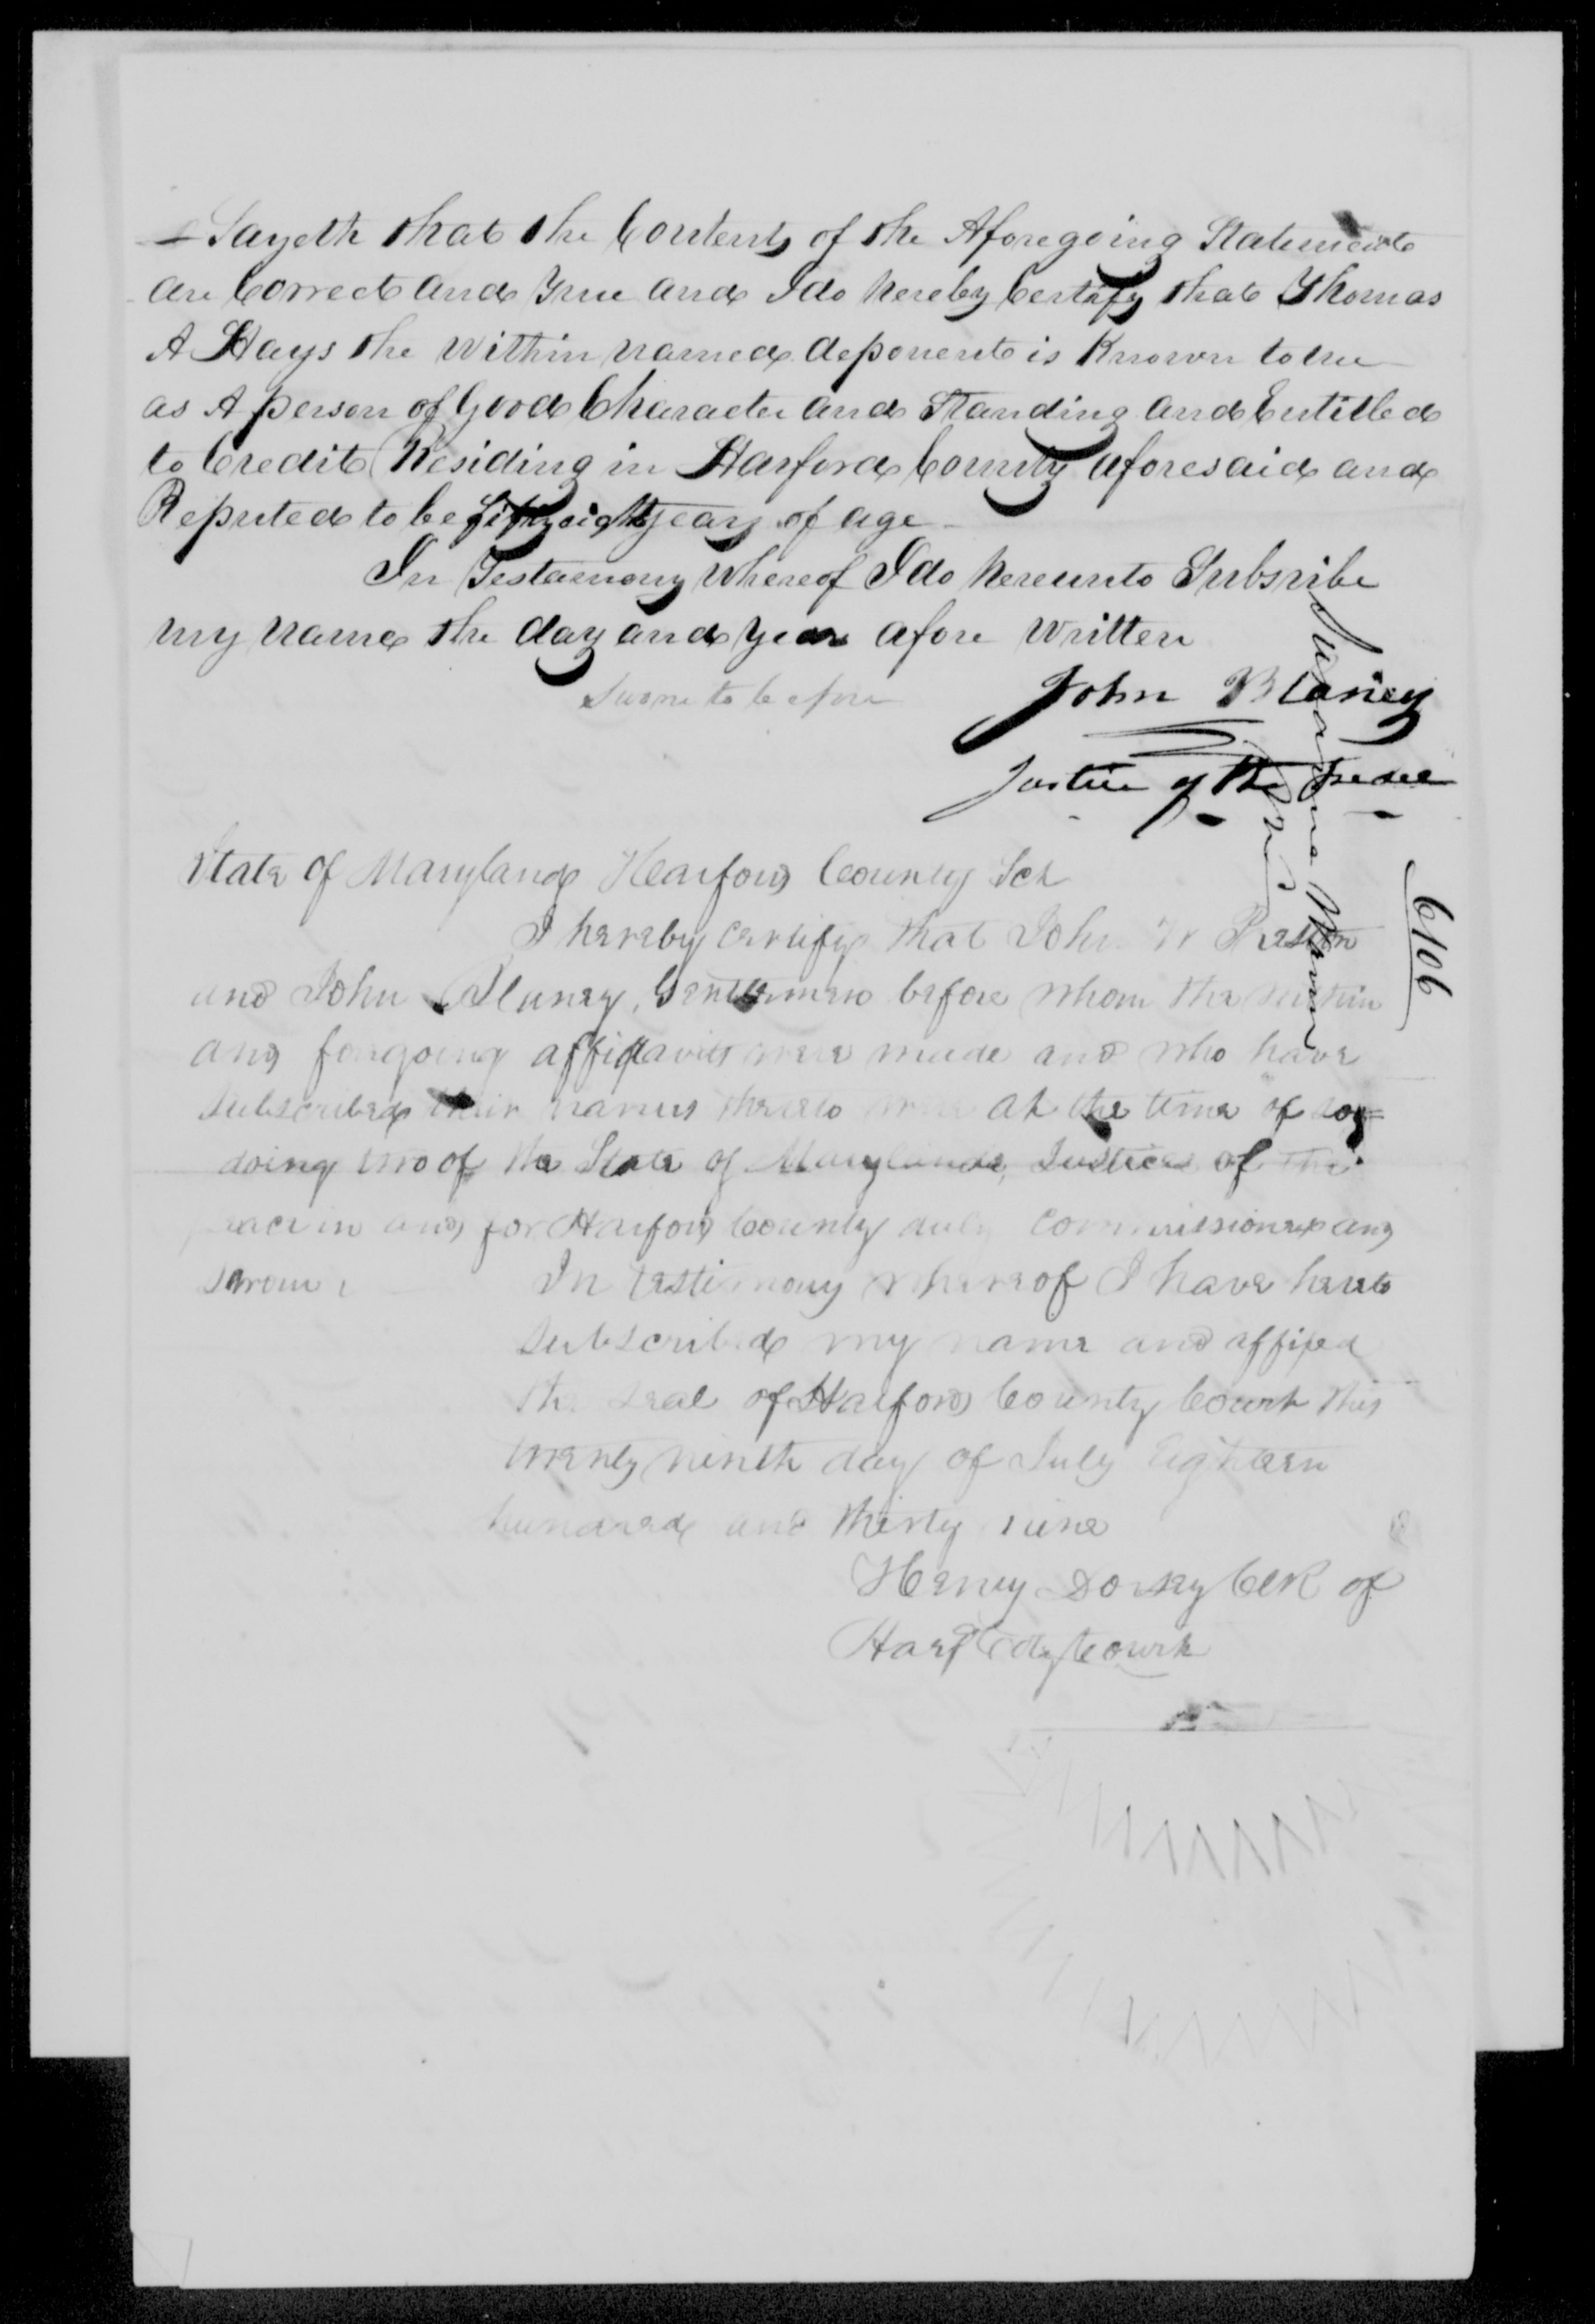sayeth that the contents of the Aforegoing statement are Correct and true and I do hereby certify that Thomas A Hays the within named deponent is known to me as a person of Good Character and standing and Entitled to Credit Residing in Harford County aforesaid and Reputed to be fifty eight years of age 
In Testamony [testimony] whereof I do hereunto Subsribe [subscribe] my name the day and year afore written 
Sworn to before
John Blaney
Justice of the peace
State of Maryland Harford County Sct
I hereby certify that John W Preston and John Blaney, Gentlemen before whom the within and foregoing affidavits were made and who have subscribed their names thereto at the time of so doing two of the State of Maryland, Justice of the peace in and for Harford County duly commissioned and sworn
In testimony whereof I have hereto subscribed my name and affixed the seal of Harford County Court this twenty ninth day of July Eighteen hundred and thirty nine
Henry Dorsey Clk [clerk] of
Harfd [Harford] Coty [County] Court
[white paper with zig zag edges attached]
6106
Susanna Wann
Md.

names: John Blaney, John Blaney, Henry Dorsey, John W Preston, Thomas A Hays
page: 32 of 38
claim: widow's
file: W. 3899, John Wann, Penn.